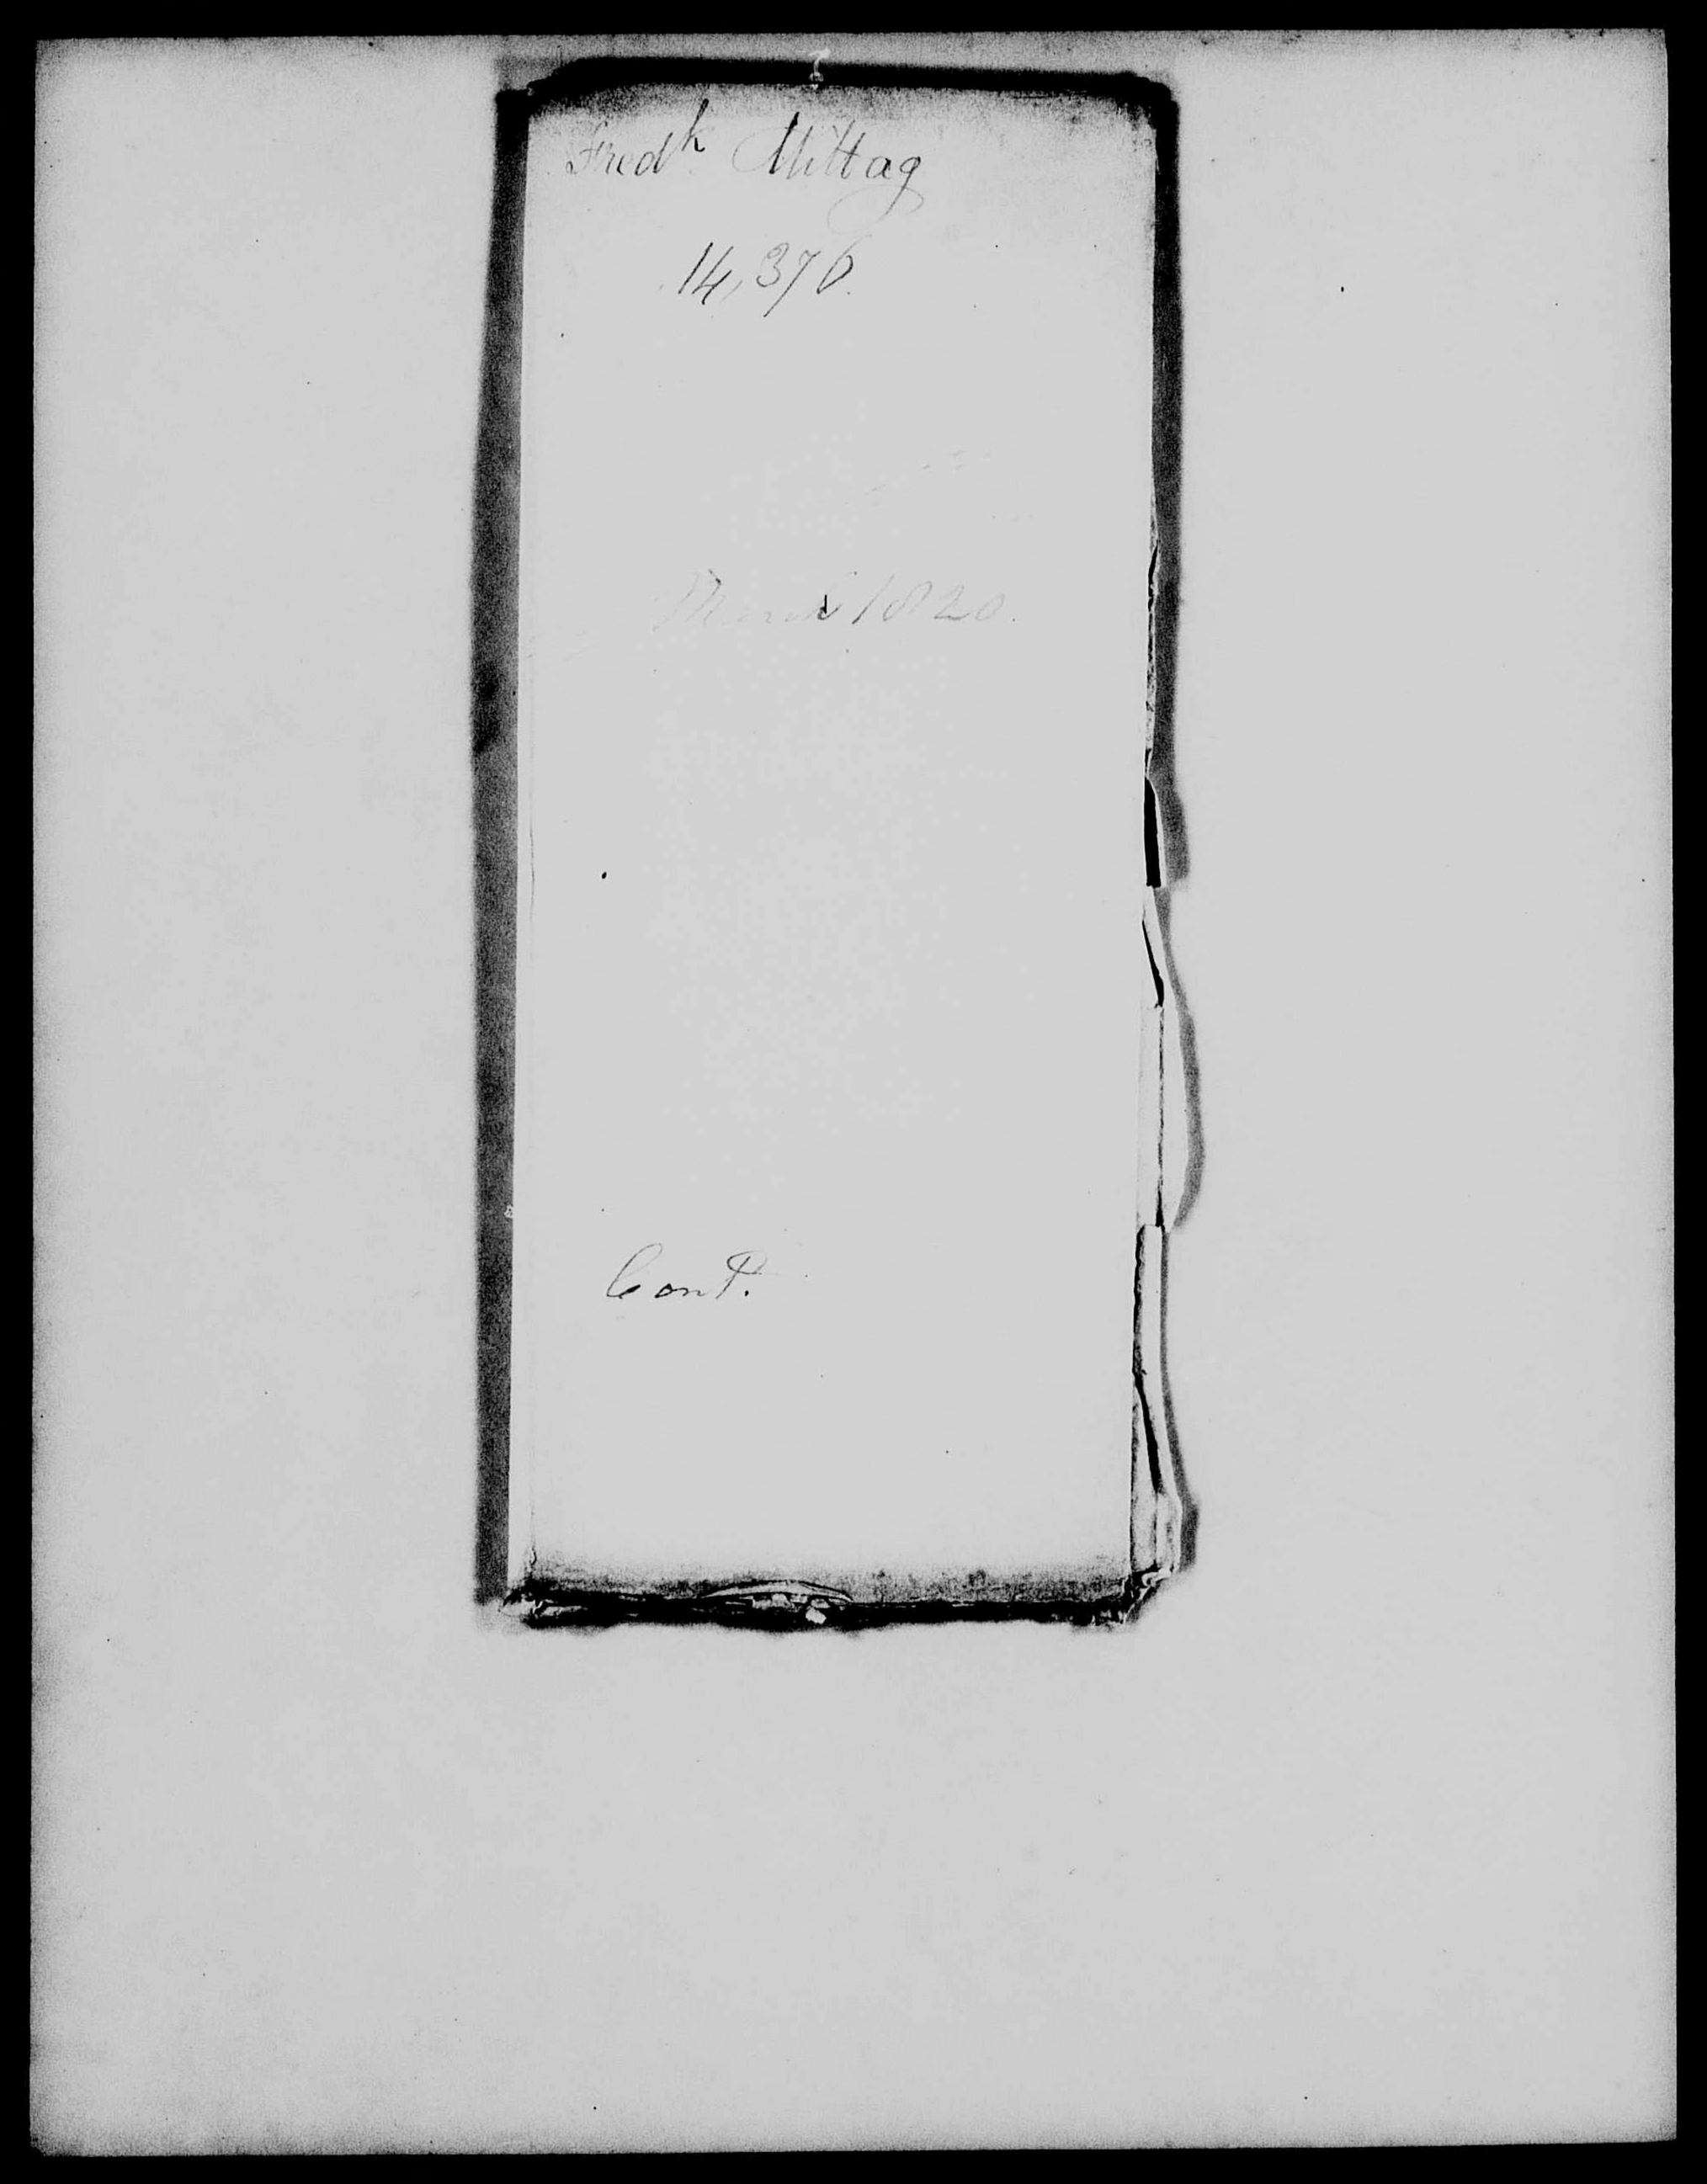Fredk Mittag

14,376

March 1820

Cont.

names: Fredk Mittag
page: 7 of 13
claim: survivor's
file: S. 34999, for Frederick Mittag, Maryland